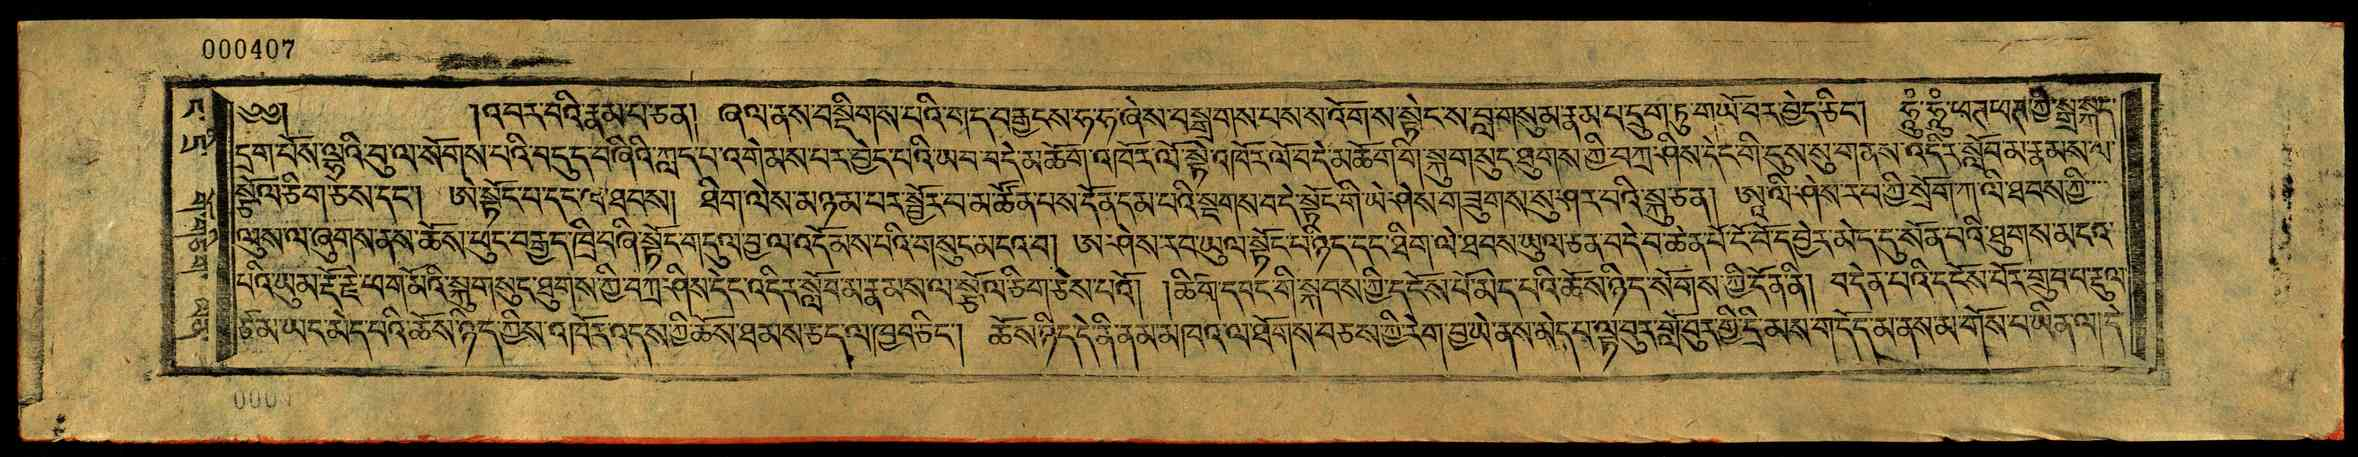༄༅། །འབར་བའི་རྣམ་པ་ཅན། ཞལ་ནས་བསྡིགས་པའི་གད་བརྒྱངས་ཧ་ཧ་ཞེས་བསྒྲགས་པས་ས་འོག་ས་སྟེང་ས་བླ་གསུམ་རྣམ་པ་དྲུག་ཏུ་གཡོ་བར་བྱེད་ཅིང་། ཧཱུཾ་ཧཱུཾ་ཕཊ་ཕཊ་ཀྱི་སྒྲ་སྐད་
དྲག་པོས་ལྷའི་བུ་ལ་སོགས་པའི་བདུད་བཞིའི་ཀླད་པ་འགེམས་པར་བྱེད་པའི་ཡབ་བདེ་མཆོག་འཁོར་ལོ་སྟེ་འཁོར་ལོ་བདེ་མཆོག་གི་སྐུ་གསུང་ཐུགས་ཀྱི་བཀྲ་ཤིས་དེང་གི་དུས་སུ་གནས་འདོར་སློབ་མ་རྣམས་ལ་
སྩོལ་ཅིག་ཅེས་དང་། ཨེ་སྟོང་པ་དང་ཝ་ཐབས། ཐིག་ལེས་མཉམ་པར་སྦྱོར་བ་མཚོན་པས་དོན་དམ་པའི་སྔགས་བདེ་སྟོང་གི་ཡེ་ཤེས་གཟུགས་སུ་ཤར་བའི་སྐུ་ཅན། ཨཱ་ལི་ཤེས་རབ་ཀྱི་སྲོག་ཀཱ་ལི་ཐབས་ཀྱི་
ལུས་ལ་ཞུགས་ནས་ཆོས་ཕུང་བརྒྱད་ཁྲི་བཞི་སྟོང་གདུལ་བྱ་ལ་འདོམས་པའི་གསུང་མངའ་བ། ཨ་ཤེས་རབ་ཡུལ་སྟོང་པ་ཉིད་དང་ཐིག་ལེ་ཐབས་ཡུལ་ཅན་བདེ་བ་ཆེན་པོ་ངོ་བོ་དབྱེར་མེད་དུ་སོན་པའི་ཐུགས་མངའ་
བའི་ཡུམ་རྡོ་རྗེ་ཕག་མོའི་སྐུ་གསུང་ཐུགས་ཀྱི་བཀྲ་ཤིས་དེང་འདིར་སློབ་མ་རྣམས་ལ་སྩོལ་ཅིག་ཅེས་པའོ། །ཚིག་དབང་གི་སྐབས་ཀྱི་དངོས་པོ་མེད་པའི་ཆོས་ཉིད་སོགས་ཀྱི་དོན་ནི། བདེན་པའི་དངོས་པོར་གྲུབ་པ་རྡུལ་
ཙམ་ཡང་མེད་པའི་ཆོས་ཉིད་ཀྱིས་འཁོར་འདས་ཀྱི་ཆོས་ཐམས་ཅད་ལ་ཁྱབ་ཅིང་། ཆོས་ཉིད་དེ་ནི་ནམ་མཁའ་ལ་ཐོགས་བཅས་ཀྱི་རེག་བྱ་ཡེ་ནས་མེད་པ་ལྟ་བུར་གློ་བུར་གྱི་དྲི་མས་གདོད་མ་ནས་མ་གོས་པ་ཡིན་ལ། དེ་